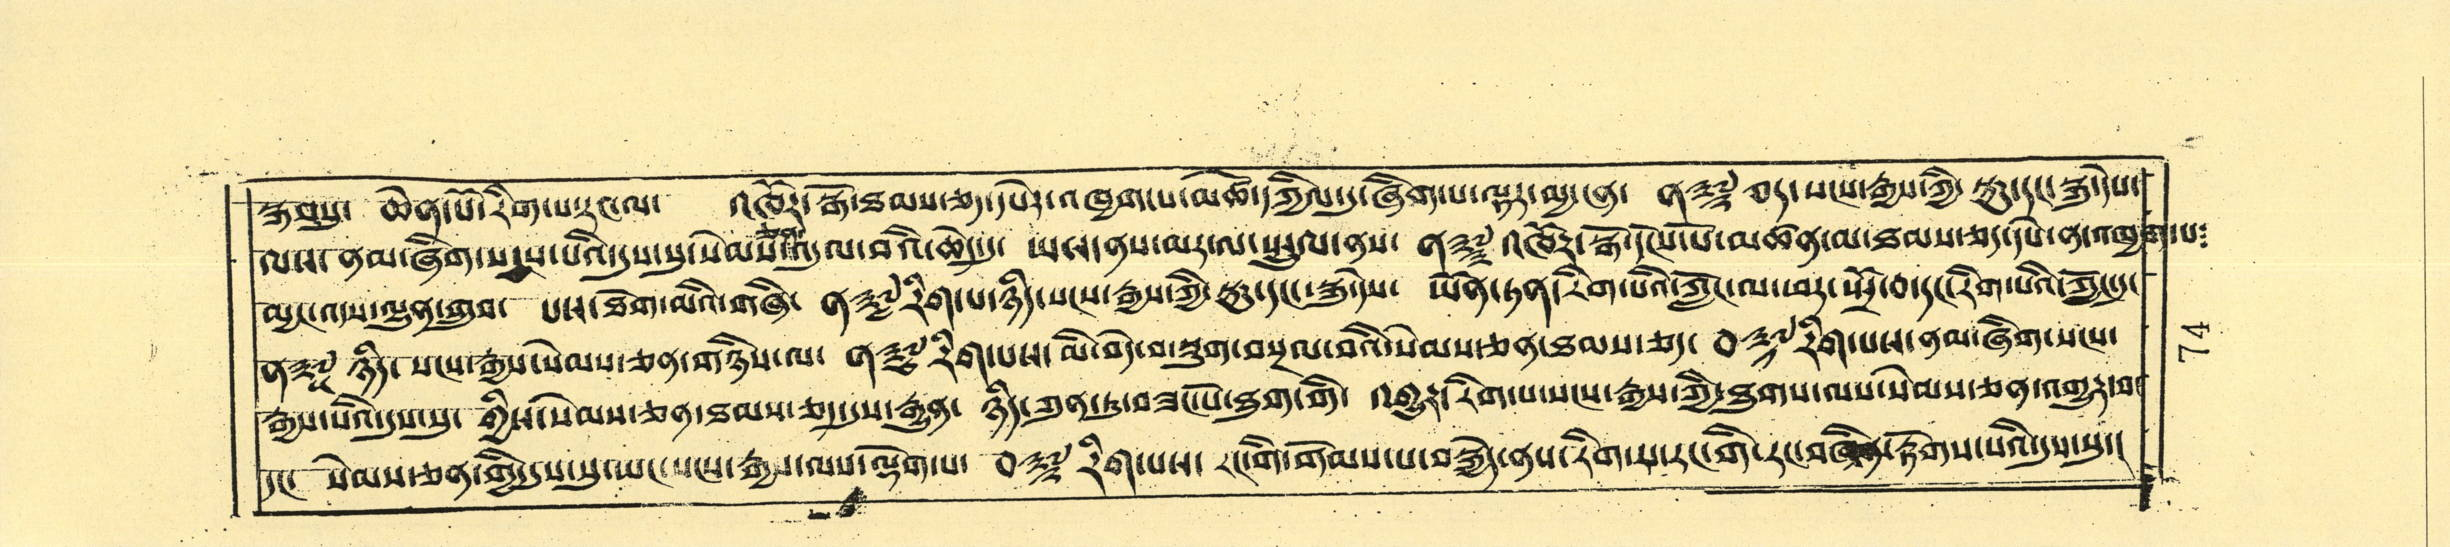སྐབས་སུ་ ཆེན་པོ་རིག་པ་རང་ལ་ འཁོར་སྒོ་ཐམས་ཅད་དཔེར་ན་འཁྱག་པ་མཚོ་དཀྱིལ་དུ་ཞིག་པ་ལྟར་མྱ་ངན་ ན༣༧།༢་ཅད་སངས་རྒྱས་ཀྱི་སྐུ་དང་དེས་
ལས་ནམ་ཞིག་སངས་པའི་དུས་སུ་སེམས་ཅན་འདུལ་བའི་ཆེད་དུ་༼ཡས༽ནས་མར་ལ་༼སྤྲུལ༽ནས་ ན༣༧།༣(༼འཁོར༽སྒོ་དངོས་པོ་མཚན་མ་ཐམས་ཅད་དཔེར་ན་འཁྱག་)
 མྱང་འདས་ལྷུན་གྲུབ་༼པས༽ཐོག་མའི་གཞི་ ན༣༧།༤ ༼རིག་པ་ཉིད༽སངས་རྒྱས་ཀྱི་༼སྐུ༽དང་སྐུ་དེས་༼ཡོན་ཏན༽རིག་པའི་ཀློང་ལ་ཕར་༼སྤྲོ་བ་དང༽རིག་པའི་ཀློང་དུ་
ན༣༧།༥༼ཉིད༽སངས་རྒྱས་སེམས་ཅན་གཉིས་ལ་ན༣༧།༦༼རིོག་པས༽མི་བདེ་བ་སྡུག་བསྔལ་བའི་སེམས་ཅན་ཐམས་ཅད་བ༣༧།༡༼རིག་པས༽ནམ་ཞིག་སངས་
རྒྱས་པའི་དུས་སུ་༼གྱིས༽སེམས་ཅན་ཐམས་ཅད་དུས་རྒྱུན་དུ་༼ཉིད༽ཀུན་ཏུ་བཟང་པོ་ཐུག་གི་ ༼འགྱུར༽རིག་པ་སངས་རྒྱས་ཀྱི་ཐུགས་ལས་སེམས་ཅན་འགྱུར་བ་
དང་། སེམས་ཅན་གྱི་དུས་སུ་ཡང་སངས་རྒྱས་ལས་ལྡོག་པ་བ༣༧།༢༼རིག་པས༽རང་གི་གོམས་པ་བསྐྱེད་ནས་རིག་པ་རང་གི་རང་བཞིན་རྟོགས་པའི་དུས་སུ་